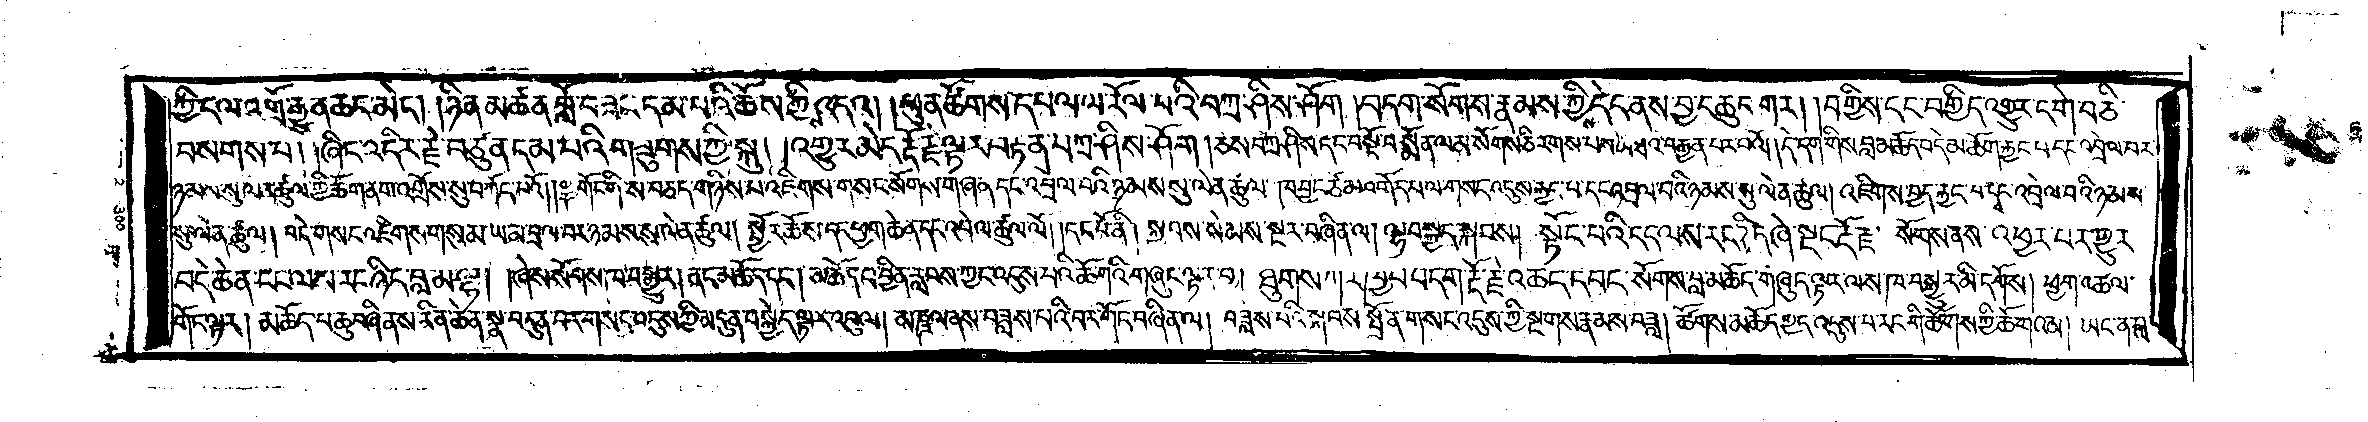ཀྱི་ངལ་འགྲོ་རྒྱུན་ཆང་མེད། །ཉིན་མཚན་བློ་བཟང་དམ་པའི་ཆོས་ཀྱིས་འདའ། །ཕུན་ཚོགས་དཔལ་ལ་རོལ་པའི་བཀྲ་ཤིས་ཤོག །བདག་སོགས་རྣམས་ཀྱི་དེང་ནས་བྱང་ཆུབ་གར། །བགྱིས་ངང་བགྱིད་འགྱུར་དགེ་བཅི་
བསགས་པ། །ཞིང་འདིར་རྗེ་བཙུན་དམ་པའི་གཟུགས་ཀྱི་སྐུ། །འགྱུར་མེད་རྡོ་རྗེ་ལྟར་བརྟན་བཀྲ་ཤིས་ཤོག །ཅེས་བཀྲ་ཤིས་དང་བསྔོ་བ་སྨོན་ལམ་སོགས་ཅི་རགས་པའི་མཐའ་བརྒྱན་པར་ཕལ། །དེ་དག་གིས་བླ་མཆོད་བདེ་མཆོག་རྐྱང་པ་དང་འབྲེལ་བར་
ཉམས་སུ་ལན་ཚུལ་གྱི་ཆོ་ག་ནག་འགྲོས་སུ་བཀོད་པའོ།། ༈ གོང་གི་ས་བཅད་གཉིས་པ་འཇིགས་གསང་སོགས་གཞན་དང་འབྲེལ་བའི་ཉམས་སུ་ལེན་ཚུལ་ཁ་བྱང་ཙམ་འགོད་པ་ལ་གསང་འདུས་རྐྱང་པ་དང་འབྲལ་བའི་ཉམས་སུ་ལེན་ཚུལ། འཇིགས་བྱེད་རྐྱང་པ་དྭང་འབྲེལ་བའི་ཉམས་
སུ་ལེན་ཚུལ། བདེ་གསང་འཇིགས་གསུམ་ཡ་མ་བྲལ་བར་ཉམས་སུ་ལེན་ཚུལ། སྦྱོར་ཆོས་དང་ཕྱག་ཆེན་དང་འབྲེལ་ཚུལ་ལོ། །དང་པོ་ནི། སྐྱབས་སེམས་སྔར་བཞིན་ལ། ལྷ་བསྐྱེད་སྐབས། སྟོང་པའི་དང་ལས་རང་ཉིད་ཞེ་སྡང་རྡོ་རྗེ་སོགས་ནས་འཕར་པར་གྱུར་
བདེ་ཆེན་ངང་ལས་རང་ཉིད་བླ་མ་ལྷ། །ཞེས་སོགས་ཁ་བསྒྱུར། ནང་མཆོད་དང་། མཆོད་བ་བྱིང་རླབས་ཀྱང་འདུས་པའི་ཆོ་གའི་གཞུང་ལྟར་བྱ། ཐུགས་ཀར་ཁྱབ་བདག་རྡོ་རྗེ་འཆད་དབང་སོགས་བླ་མཆོད་གཞུང་ལྟར་ལས་ཁ་བསྒྱུར་མི་དགོས། ཕྱག་འཚལ་
གོང་ལྟར། མཆོད་པ་ཆུ་བཞི་ནས་རིན་ཆེན་སྣ་བདུན་བར་གསང་འདུས་ཀྱི་མདུན་བསྐྱེད་ལྟར་འབུལ། མཎྜལ་ནས་བཟླས་པའི་བར་གོང་བཞིན་ལ། བཟླས་པའི་སྐབས་སྤྲོ་ན་གསང་འདུས་ཀྱི་སྔགས་རྣམས་བཟླ། ཚོགས་མཆོད་ཀྱང་འདུས་པ་རང་གི་ཚོགས་ཀྱི་ཆོ་གའམ། ཡང་ན་བླ་